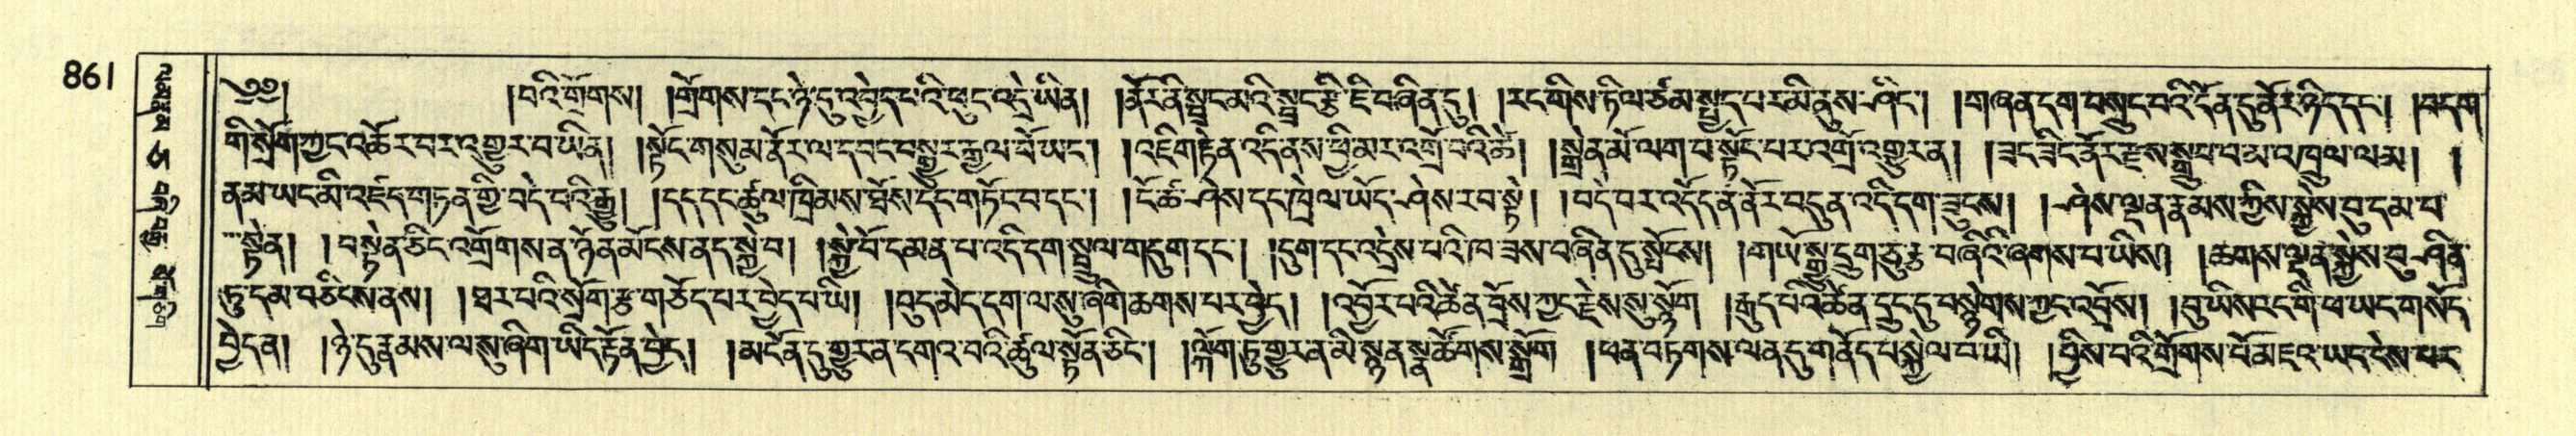༄༅། །བའི་གྲོགས། །གྲོགས་དང་ཉེ་དུ་འབྱེད་པའི་ཕུང་འདྲེ་ཡིན། །ནོར་ནི་སྦྲང་མའི་སྦྲང་རྩི་ཇི་བཞིན་དུ། །རང་གིས་ཏིལ་ཙམ་སྤྱད་པར་མི་ནུས་ཤིང་། །གཞན་དག་བསྲུང་བའི་དོན་དུ་ནོར་ཉིད་དང་། །བདག་
གི་སྲོག་ཀྱང་འཆོར་བར་འགྱུར་བ་ཡིན། །སྟོང་གསུམ་ནོར་ལ་དབང་བསྒྱུར་རྒྱལ་པོ་ཡང་། །འཇིག་རྟེན་འདི་ནས་ཕྱི་མར་འགྲོ་བའི་ཚེ། །སྒྲེན་མོ་ལག་པ་སྟོང་པར་འགྲོ་འགྱུར་ན། །ཟང་ཟིང་ནོར་རྫས་སྒྲུབ་བ་མ་འཁྲུལ་ལམ། །
ནམ་ཡང་མི་འཛད་གཏན་གྱི་བདེ་བའི་རྒྱུ། །དད་དང་ཚུལ་ཁྲིམས་ཐོས་དང་གཏོང་བ་དང་། །ངོ་ཚ་ཤེས་དང་ཁྲེལ་ཡོད་ཤེས་རབ་སྟེ། །བདེ་བར་འདོད་ན་ནོར་བདུན་འདི་དག་ཟུངས། །ཤེས་ལྡན་རྣམས་ཀྱིས་སྐྱེས་བུ་དམ་པ་
སྟེན། །བསྟེན་ཅིང་འགྲོགས་ན་ཉོན་མོངས་ནད་སྐྱེ་བ། །སྐྱེ་བོ་དམན་པ་འདི་དག་སྤྲུལ་གདུག་དང་། །དུག་དང་འདྲེས་པའི་ཁ་ཟས་བཞིན་དུ་སྤོངས། །གཡོ་སྒྱུ་དྲུག་ཅུ་རྩ་བཞིའི་ཞགས་པ་ཡིས། །ཆགས་ལྡན་སྐྱེས་བུ་ཤིན་
ཏུ་དམ་བཅིངས་ནས། །ཐར་པའི་སྲོག་རྩ་གཅོད་པར་བྱེད་པ་ཡི། །བུད་མེད་དག་ལ་སུ་ཞིག་ཆགས་པར་བྱེད། །འབྱོར་པའི་ཚེན་བྲོས་ཀྱང་རྗེས་སུ་སྙོག །རྒུད་པའི་ཚེན་དྲུང་དུ་བསྙེགས་ཀྱང་འབྲོས། །བུ་ཡིས་རང་གི་ཕ་ཡང་གསོད་
བྱེད་ན། །ཉེ་དུ་རྣམས་ལ་སུ་ཞིག་ཡིད་རྟོན་བྱེད། །མངོན་དུ་གྱུར་ན་དགའ་བའི་ཚུལ་སྟོན་ཅིང་། །ལྐོག་ཏུ་གྱུར་ན་མི་སྙན་སྣ་ཚོགས་སྒྲོག །ཕན་བཏགས་ལན་དུ་གནོད་པ་སྐྱེལ་བ་ཡི། །བྱིས་བའི་གྲོགས་པོ་མཇའ་ཡང་ངེས་པར་